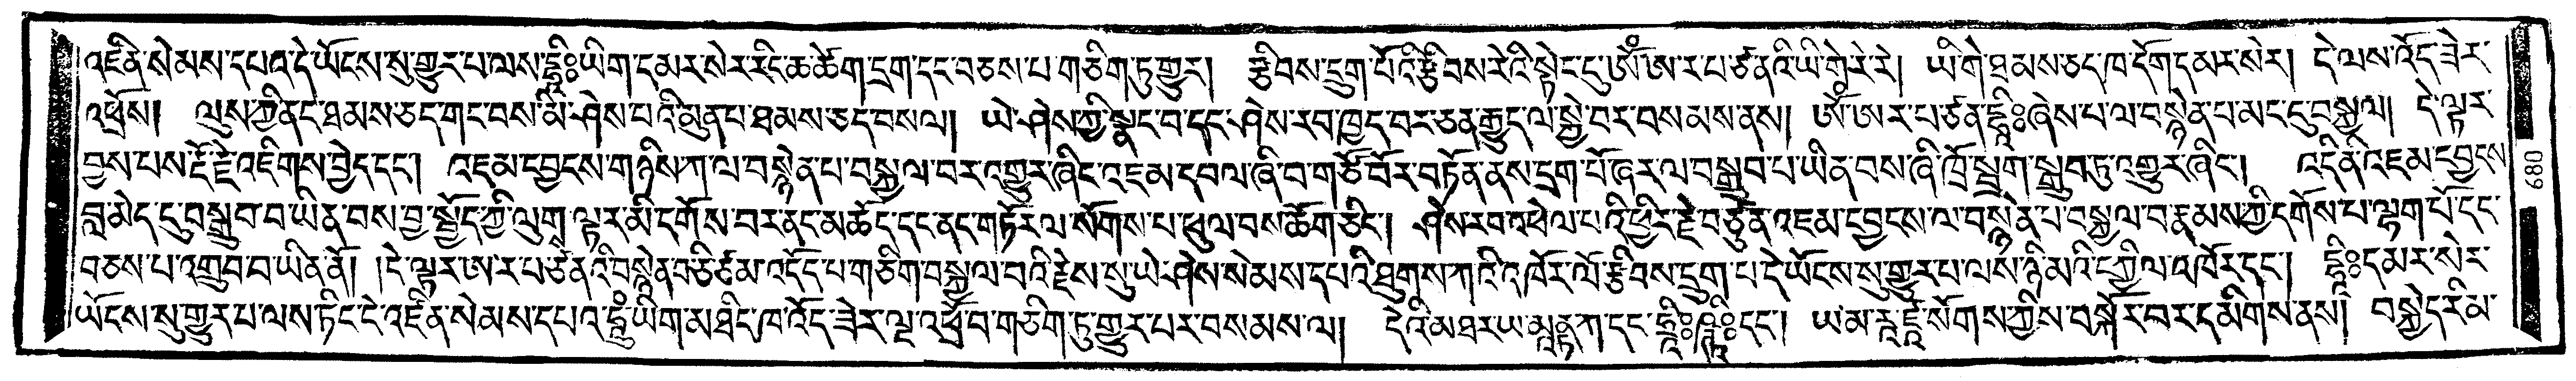འཛིན་སེམས་དཔའ་དེ་ཡོངས་སུ་གྱུར་པ་ལས་དྷཱིཿཡིག་དམར་སེར་རིང་ཆ་ཚེག་དྲག་དང་བཅས་པ་གཅིག་ཏུ་གྱུར། རྩིབས་དྲུག་པོའི་རྩིབས་རེའི་སྟེང་དུ་ཨོཾ་ཨ་ར་པ་ཙ་ནའི་ཡི་གེ་རེ་རེ། ཡི་གེ་ཐམས་ཅད་ཁ་དོག་དམར་སེར། དེ་ལས་འོད་ཟེར་
འཕྲོས། ལུས་ཀྱི་ནང་ཐམས་ཅད་གང་བས་མི་ཤེས་པའི་མུན་པ་ཐམས་ཅད་བསལ། ཡེ་ཤེས་ཀྱི་སྣང་བ་དང་ཤེས་རབ་ཁྱད་པར་ཅན་རྒྱུད་ལ་སྐྱེ་བར་བསམས་ནས། ཨོཾ་ཨ་ར་པ་ཙ་ན་དྷཱིཿཞེས་པ་ལ་བསྙེན་པ་མང་དུ་བསྐྱལ། དེ་ལྟར་
བྱས་པས་རྡོ་རྗེ་འཇིགས་བྱེད་དང་། འཇམ་དབྱངས་གཉིས་ཀ་ལ་བསྙེན་པ་བསྐྱལ་བར་འགྱུར་ཞིང་འཇམ་དཔལ་ཞི་བ་གཙོ་བོར་བཏོན་ནས་དྲག་པོ་ཞར་ལ་བསྒྲུབ་པ་ཡིན་བས་ཞི་ཁྲོ་སྦྲག་སྒྲུབ་ཏུ་འགྱུར་ཞིང་། འདི་ནི་འཇམ་དབྱངས་
བླ་མེད་དུ་བསྒྲུབ་བ་ཡིན་པས་བྱ་སྤྱོད་ཀྱི་ལུགས་ལྟར་མི་དགོས་པར་ནང་མཆོད་དང་ནང་གཏོར་ལ་སོགས་པ་ཕུལ་བས་ཆོག་ཅིང་། ཤེས་རབ་འཕེལ་པའི་ཕྱིར་རྗེ་བཙུན་འཇམ་དབྱངས་ལ་བསྙེན་པ་བསྐྱལ་བ་རྣམས་ཀྱི་དགོས་པ་ལྷག་པོ་དང་
བཅས་པ་འགྲུབ་བ་ཡིན་ནོ། །དེ་ལྟར་ཨ་ར་པ་ཙ་ནའི་བསྙེན་བ་ཅི་ཙམ་འདོད་པ་གཅིག་བསྐྱལ་བའི་རྗེས་སུ་ཡེ་ཤེས་སེམས་དཔའི་ཐུགས་ཀའི་འཁོར་ལོ་རྩིབས་དྲུག་པ་དེ་ཡོངས་སུ་གྱུར་པ་ལས་ཉི་མའི་དཀྱིལ་འཁོར་དང་། དྷཱིཿདམར་སེར་
ཡོངས་སུ་གྱུར་པ་ལས་ཏིང་ངེ་འཛིན་སེམས་དཔའ་ཧཱུཾ་ཡིག་མཐིང་ཁ་འོད་ཟེར་ལྔ་འཕྲོ་བ་གཅིག་ཏུ་གྱུར་པར་བསམས་ལ། དེའི་མཐར་ཡ་མཱནྟ་ཀ་དང་ཧྲཱིཿཥྚཱིཿདང་། ཡ་མ་རཱ་ཛཱ་སོགས་ཀྱིས་བསྐོར་བར་དམིགས་ནས། བསྐྱེད་རིམ་